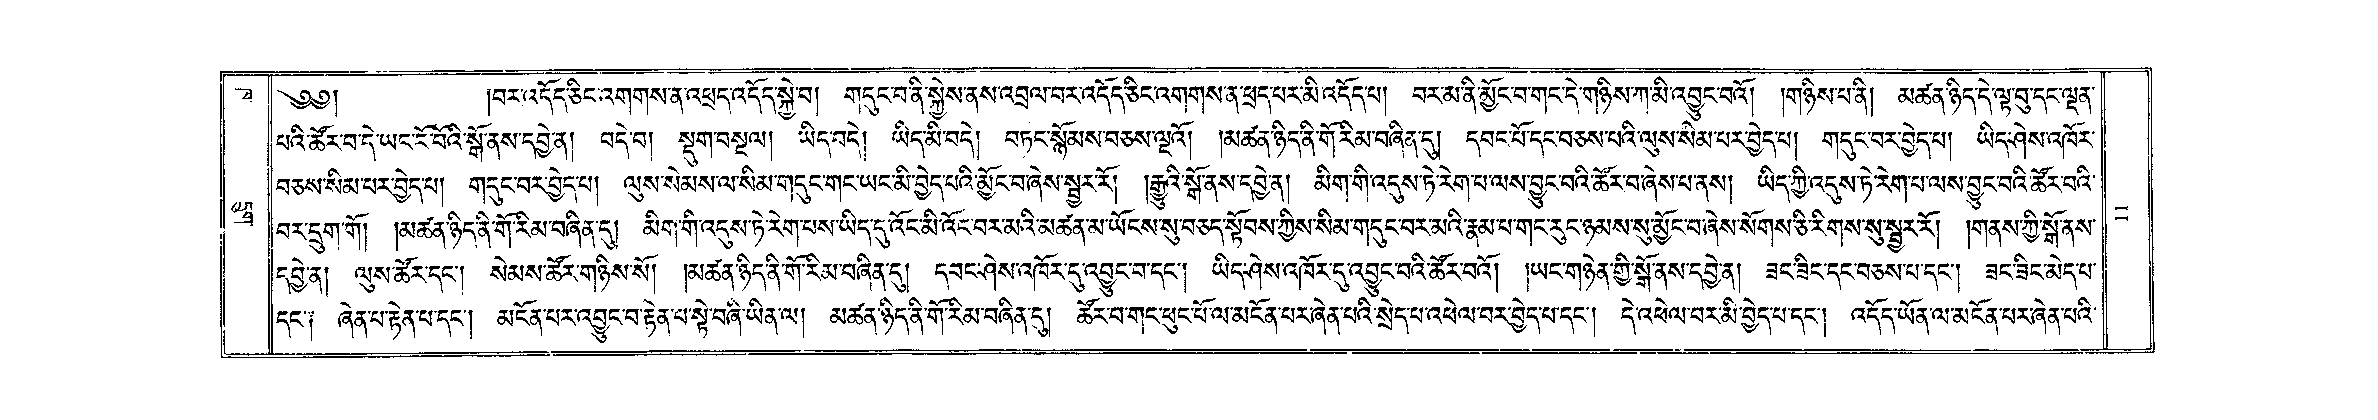༄༅། །བར་འདོད་ཅིང་འགགས་ན་འཕྲད་འདོད་སྐྱེ་བ། གདུང་བ་ནི་སྐྱེས་ནས་འབྲལ་བར་འདོད་ཅིང་འགགས་ན་ཕྲད་པར་མི་འདོད་པ། བར་མ་ནི་མྱོང་བ་གང་དེ་གཉིས་ཀ་མི་འབྱུང་བའོ། །གཉིས་པ་ནི། མཚན་ཉིད་དེ་ལྟ་བུ་དང་ལྡན་
པའི་ཚོར་བ་དེ་ཡང་ངོ་བོའི་སྒོ་ནས་དབྱེ་ན། བདེ་བ། སྡུག་བསྔལ། ཡིད་བདེ། ཡིད་མི་བདེ། བཏང་སྙོམས་བཅས་ལྔའོ། །མཚན་ཉིད་ནི་གོ་རིམ་བཞིན་དུ། དབང་པོ་དང་བཅས་པའི་ལུས་སིམ་པར་བྱེད་པ། གདུང་བར་བྱེད་པ། ཡིད་ཤེས་འཁོར་
བཅས་སིམ་པར་བྱེད་པ། གདུང་བར་བྱེད་པ། ལུས་སེམས་ལ་སིམ་གདུང་གང་ཡང་མི་བྱེད་པའི་མྱོང་བ་ཞེས་སྦྱར་རོ། །རྒྱུའི་སྒོ་ནས་དབྱེ་ན། མིག་གི་འདུས་ཏེ་རེག་པ་ལས་བྱུང་བའི་ཚོར་བ་ཞེས་པ་ནས། ཡིད་ཀྱི་འདུས་ཏེ་རེག་པ་ལས་བྱུང་བའི་ཚོར་བའི་
བར་དྲུག་གོ། །མཚན་ཉིད་ནི་གོ་རིམ་བཞིན་དུ། མིག་གི་འདུས་ཏེ་རེག་པས་ཡིད་དུ་འོང་མི་འོང་བར་མའི་མཚན་མ་ཡོངས་སུ་བཅད་སྟོབས་ཀྱིས་སིམ་གདུང་བར་མའི་རྣམ་པ་གང་རུང་ཉམས་སུ་མྱོང་བ་ཞེས་སོགས་ཅི་རིགས་སུ་སྦྱར་རོ། །གནས་ཀྱི་སྒོ་ནས་
དབྱེ་ན། ལུས་ཚོར་དང་། སེམས་ཚོར་གཉིས་སོ། །མཚན་ཉིད་ནི་གོ་རིམ་བཞིན་དུ། དབང་ཤེས་འཁོར་དུ་འབྱུང་བ་དང་། ཡིད་ཤེས་འཁོར་དུ་འབྱུང་བའི་ཚོར་བའོ། །ཡང་གཉེན་གྱི་སྒོ་ནས་དབྱེ་ན། ཟང་ཟིང་དང་བཅས་པ་དང་། ཟང་ཟིང་མེད་པ་
དང༑ ཞེན་པ་རྟེན་པ་དང་། མངོན་པར་འབྱུང་བ་རྟེན་པ་སྟེ་བཞི་ཡིན་ལ། མཚན་ཉིད་ནི་གོ་རིམ་བཞིན་དུ། ཚོར་བ་གང་ཕུང་པོ་ལ་མངོན་པར་ཞེན་པའི་སྲེད་པ་འཕེལ་བར་བྱེད་པ་དང་། དེ་འཕེལ་བར་མི་བྱེད་པ་དང་། འདོད་ཡོན་ལ་མངོན་པར་ཞེན་པའི་